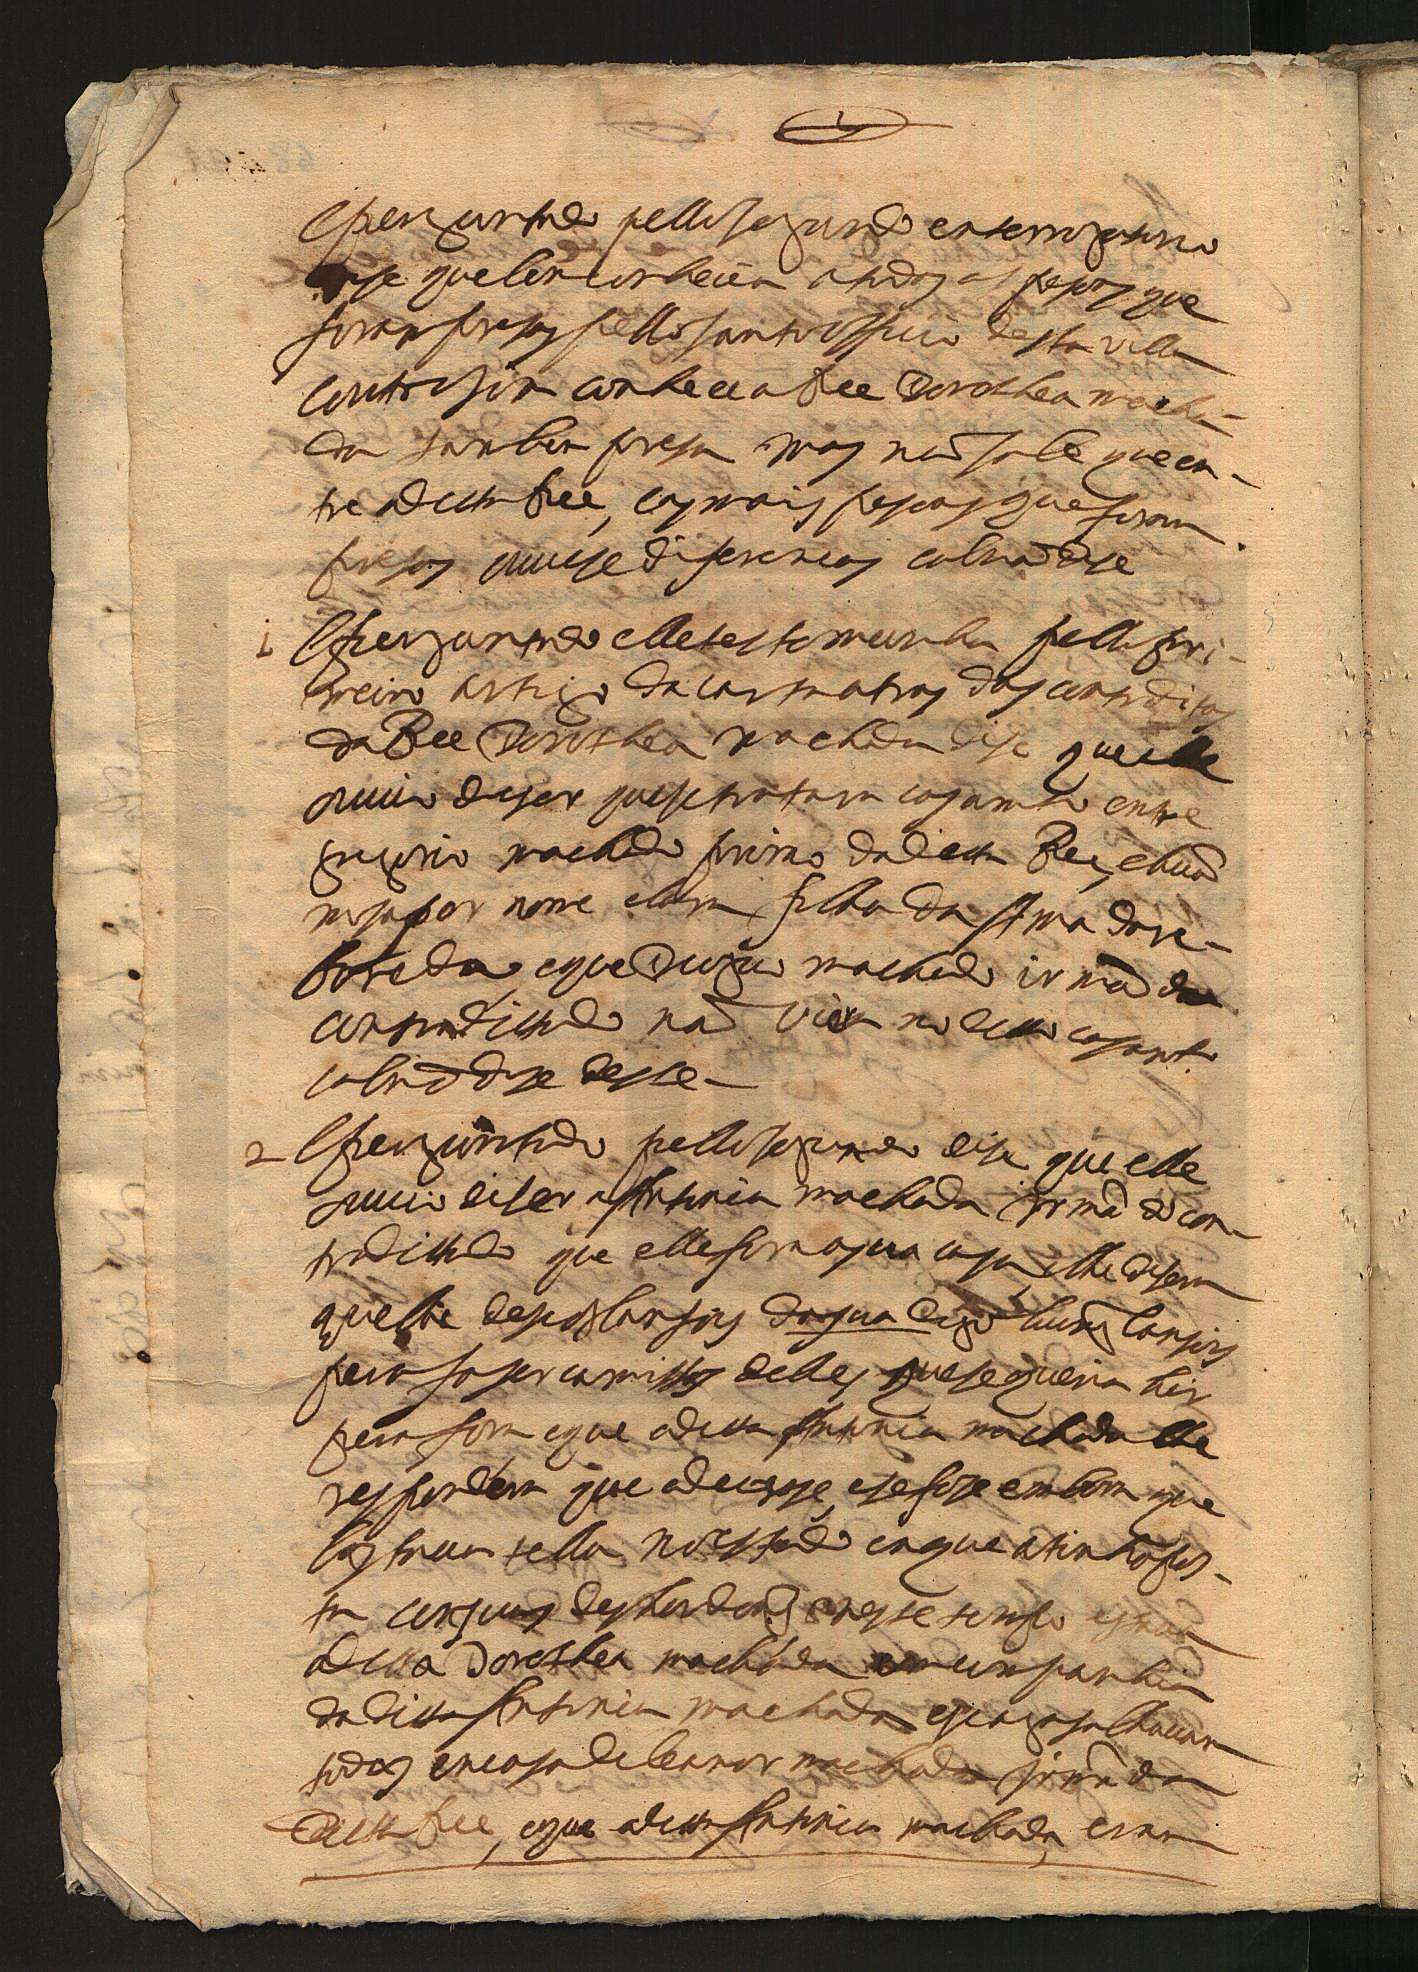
E perguntado pello segundo enterrogatorio
dise que ben conhecia a todas as pesoas que
foran presas pello santo officio desta villa
E outrosim conhece a Ree Dorothea macha
da tanben presa mas naõ sabe que em
tre a ditta Ree, e as mais pesoas que foram
presas ouuese diferencas e al naõ dise
E perguntado elle testemunha pello pri
meiro artigo da carta atras das contraditas
da Ree Dorothea machada dise que elle
ouuio diser que se tratara cazamento entre
gregorio machado primo da ditta Ree, e huā
mosa por nome clara, filha da Ama da re
boreda, e que Dioguo machado irmão do
contradittado não viera no ditto casamt.o
e al não disse deste –
2 E perguntado pello segundo dise que elle
ouuio diser a Antonia machada jrmā do con
tradittado que elle fora a sua casa, e lhe disera
que lhe dese os lansois da sua digo huns lansois
pera faser camissas delles que se queria hir
pera fora e que a ditta Antonia machada lhe
respondera que a deixase, e se fose embora que
bastaua tella no estado en que a tinha pos
ta con suas deshordens e neste tenpo estaua
a ditta Dorothea machada em conpanhia
da ditta Antonia machada e se agasalhauam
todas en casa de leanor machada jrmā da
ditta Ree, e que a ditta Antonia machada eram
